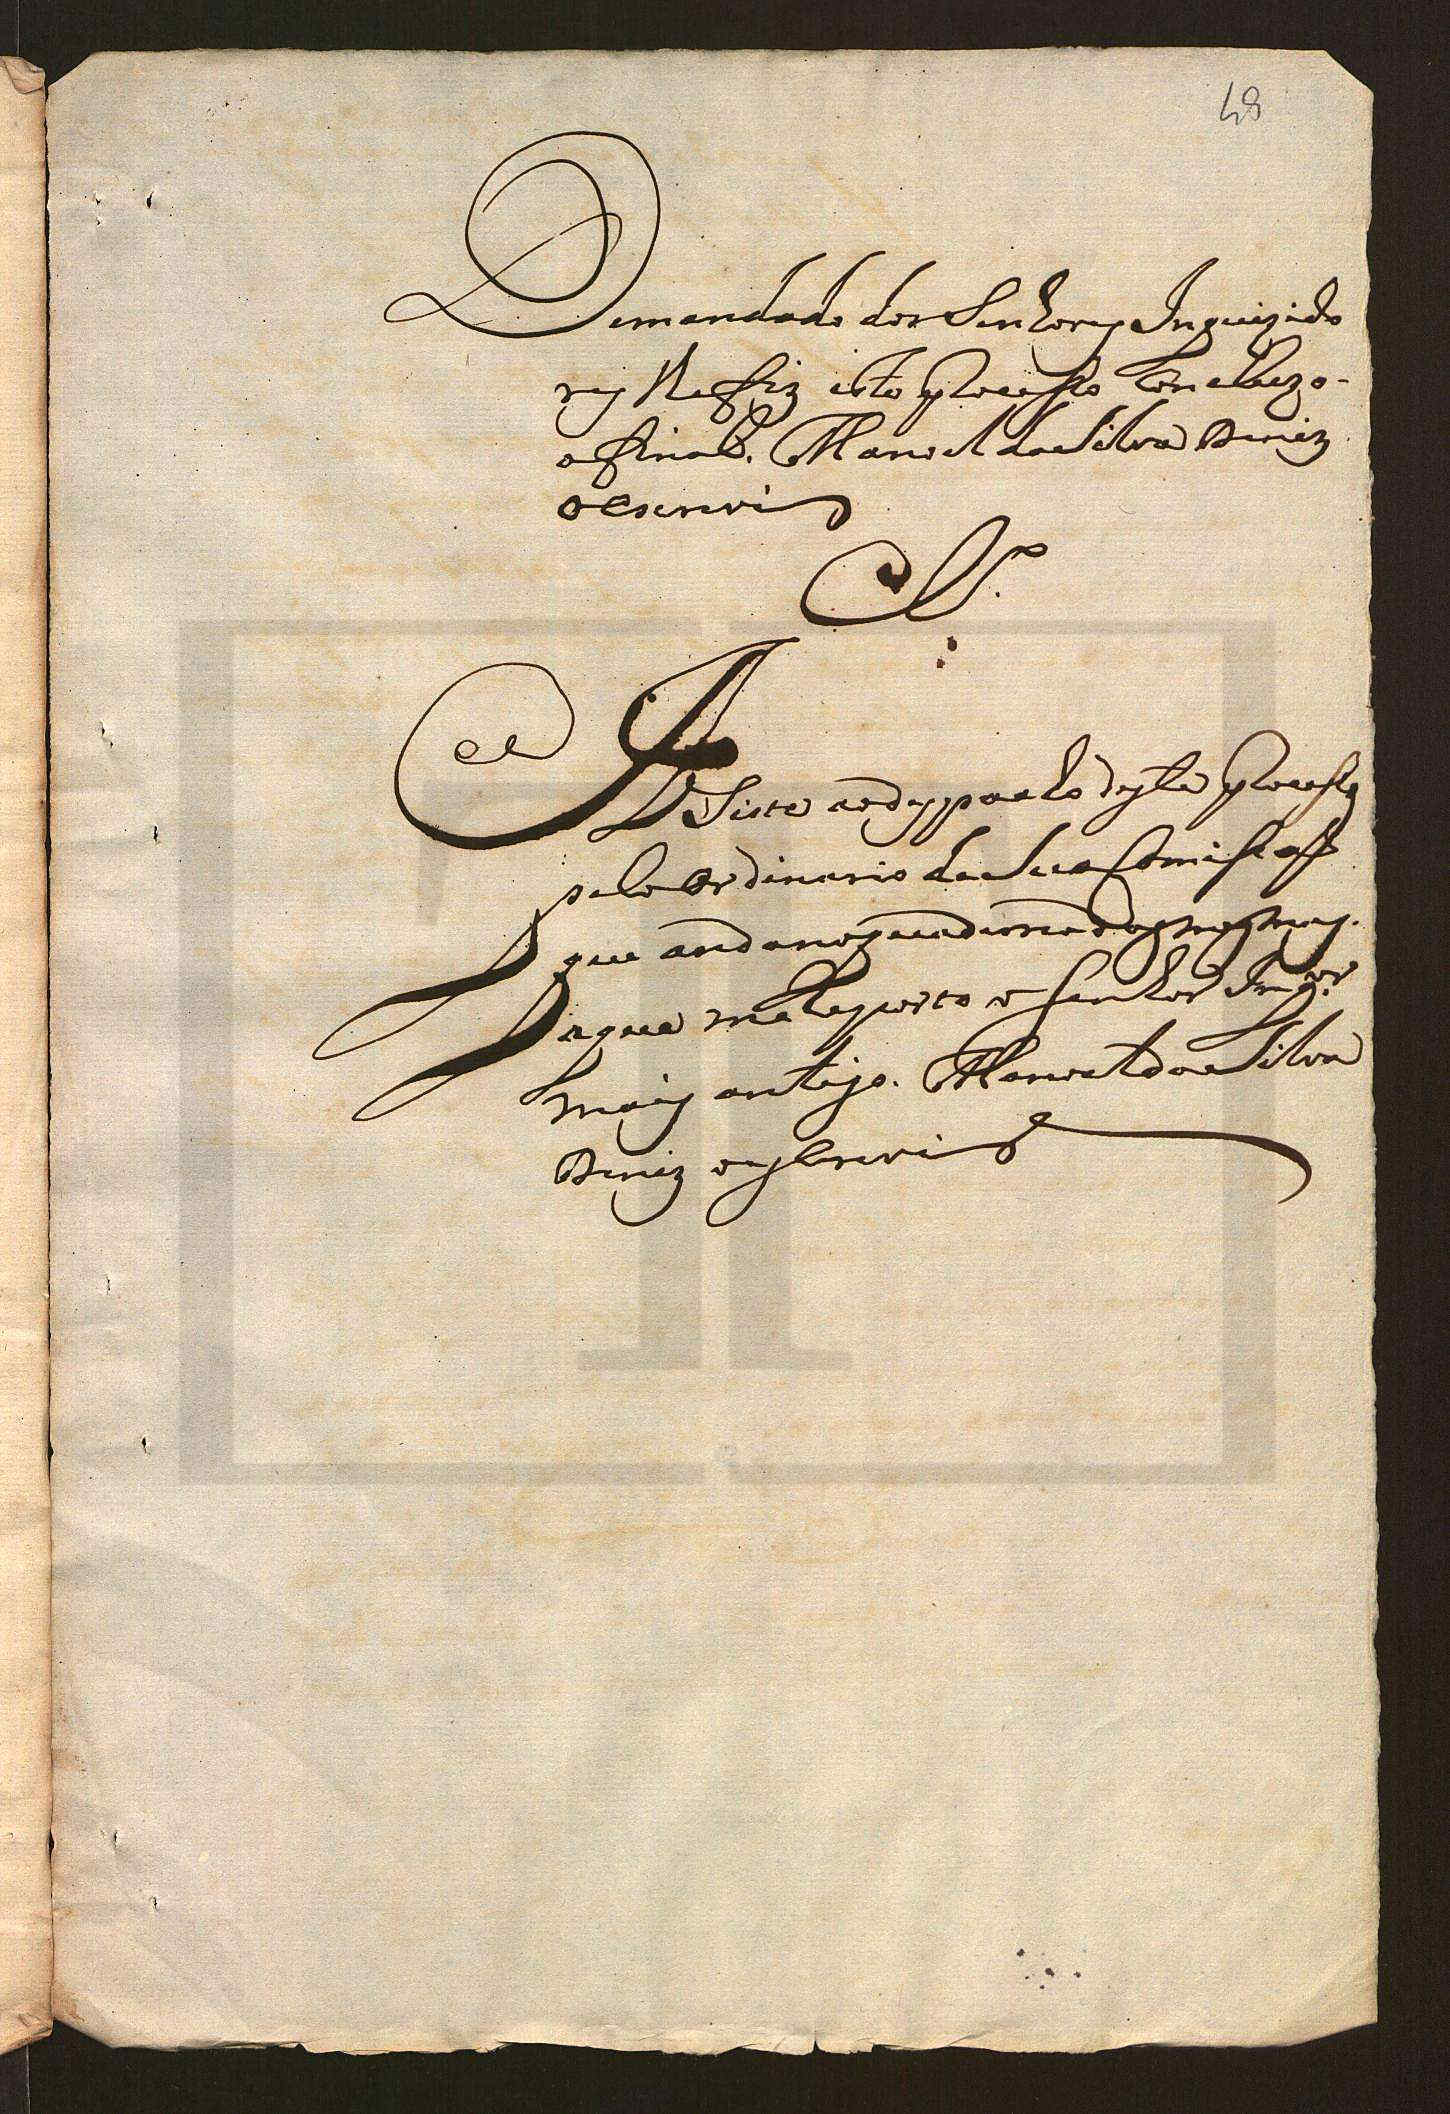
De mandado dos Senhores Inquizido
res lhe fiz este processo concluzo
e findo. Manoel da Silva Deniz
o escrevi
Cl.o
ASiste ao despacho deste processo
pelo ordinario de Sua Comissaõ
que anda no quaderno das mesmas.
a que me Reporto o Senhor Imq.or
mais antigo. Manoel da Silva
Deniz o escrevi
